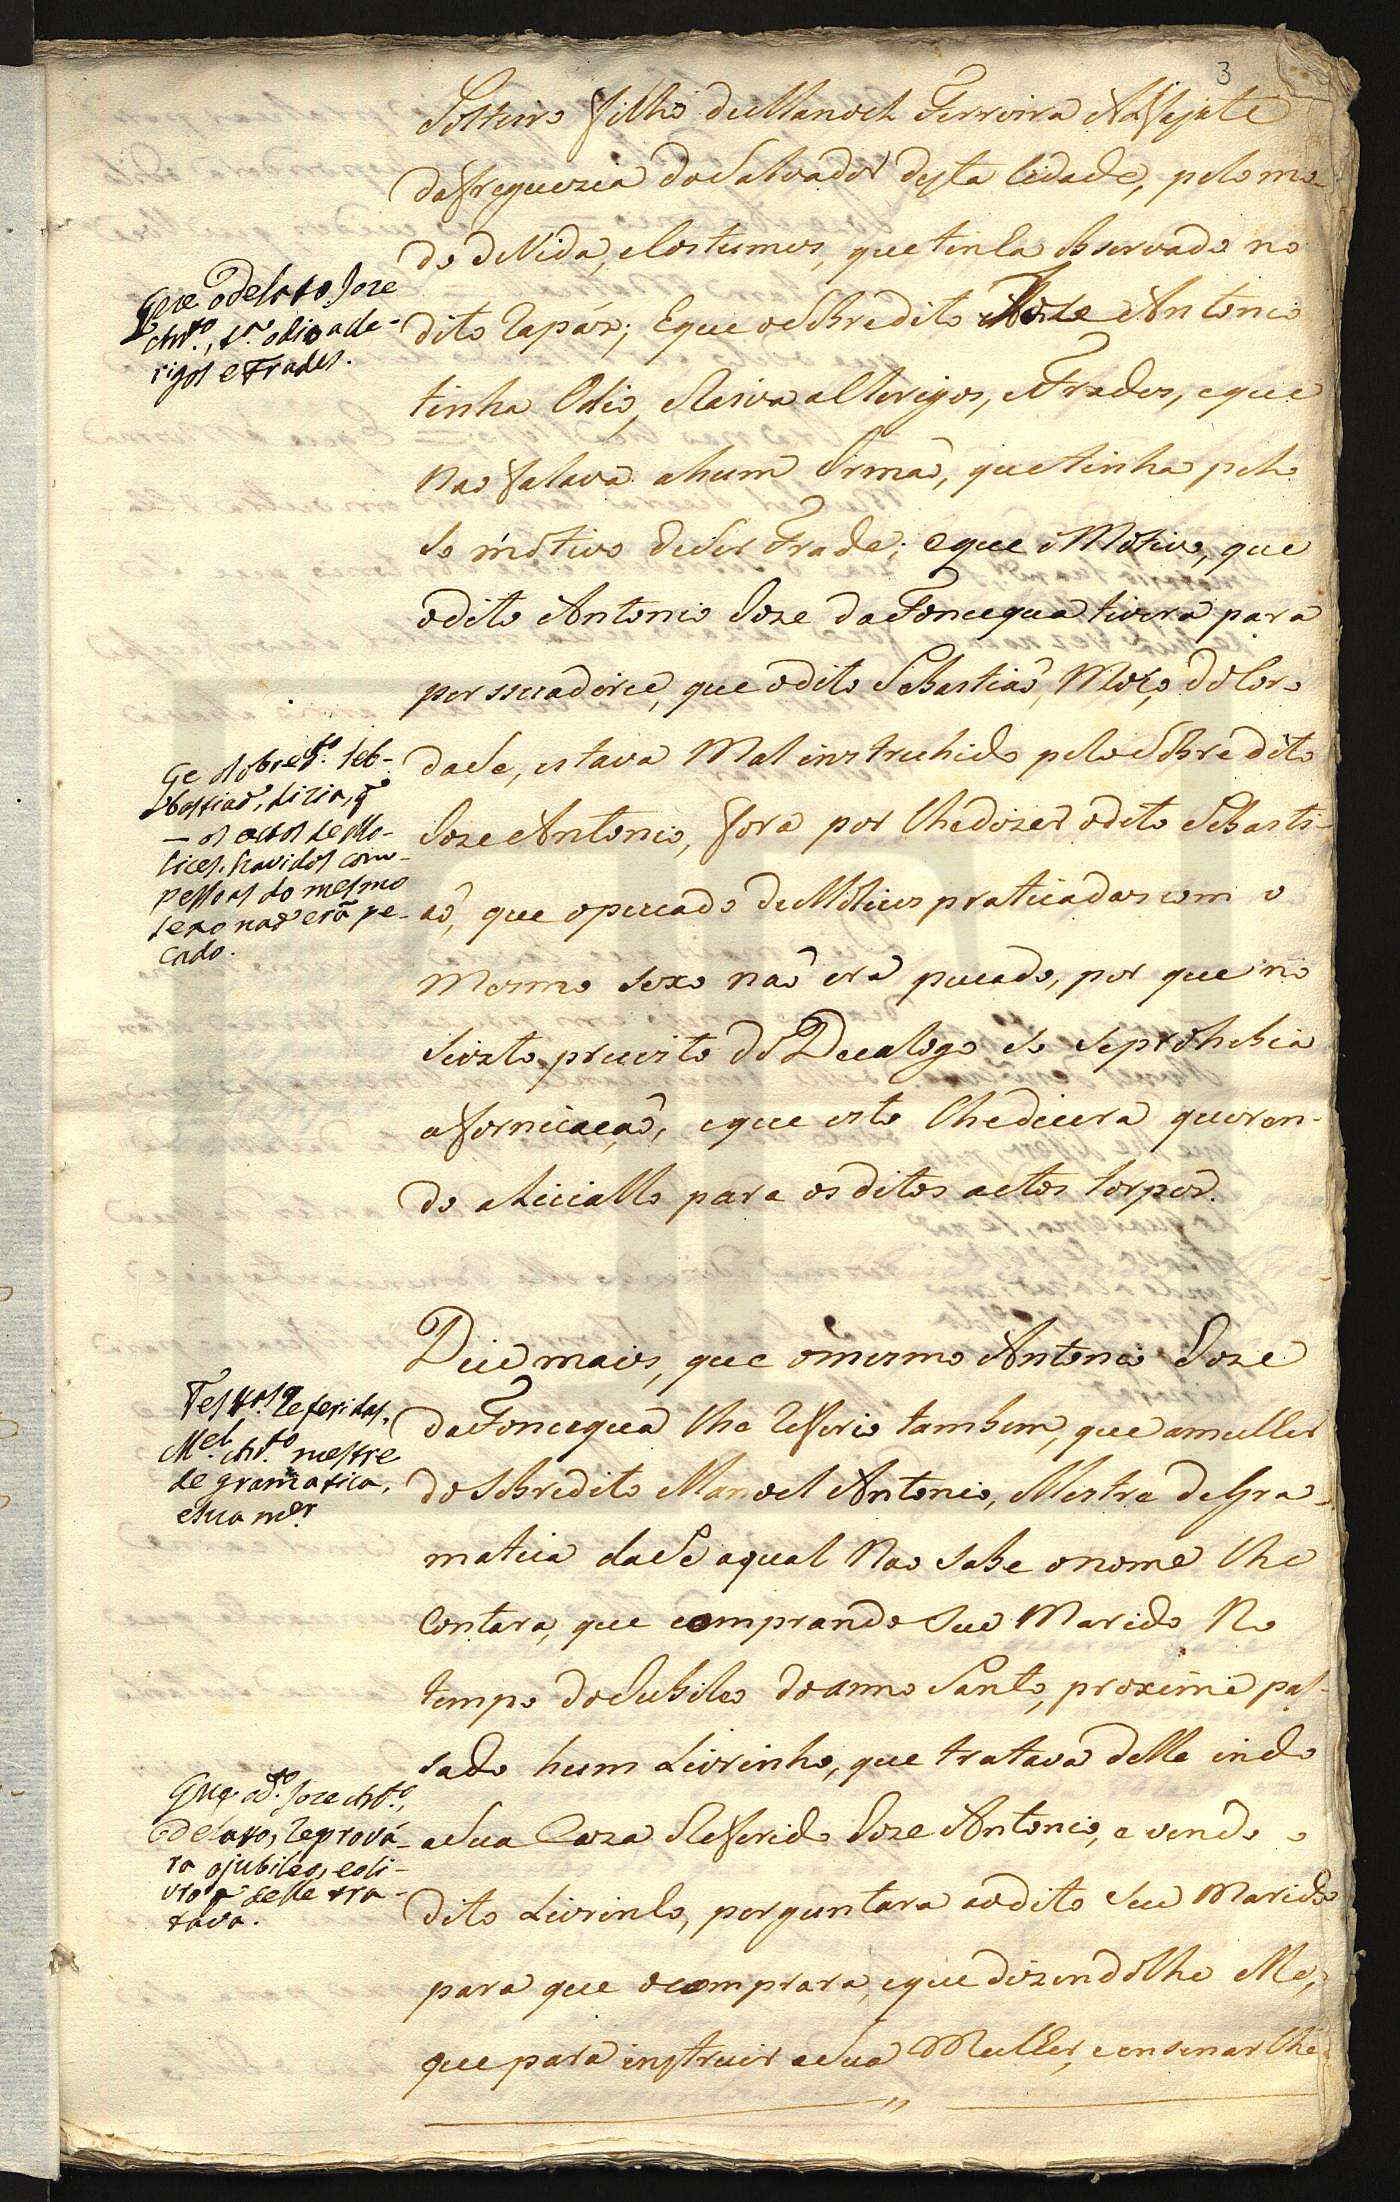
que o delato Joze
An.to, t.a odio a cle
rigos e Frades.
qe o sobred.to seb
astiaõ, dizia, q̄
- os actos de Mo
lices, havidos com
pessoas do mesmo
sexo naõ erā pe
cado.
Test.as Referidas,
M.el Ant.o mestre
de gramatica,
e sua m.er
Que o d.to Joze Ant.o,
delatto, Reprová
ra o jubileo, e o li
uro q̄ delle tra
tava.
Solteiro filho de Manoel Ferreira Alfajate
da freguezia do Salvador desta Cidade, pelo mo
do de Vida, e Costumes, que tenha observado no
dito Rapáz. E que o Sobredito Ioze Antonio
tinha Odio, e Raiva a Clerigos, e Frades, e que
nao falava a hum Irmaõ, que tinha pelo
so motivo de ser Frade; e que o Motivo, que
o dito Antonio Ioze da Foncequa tivera para
perssuadirce, que o dito Sebastiaõ, Moço do Coro
da Se, estava Mal instruhido pelo Sobredito
Ioze Antonio, fora por lhe dizer o dito Sebasti
aõ, que o peccado de Molices praticadas com o
Mesmo sexo naõ era peccado, por que no
seixto preceito do Decalogo so se prohibia
a fornicaçaõ, e que este lhe dicera queiren
do aLiciallo para os ditos actos torpes.
Dice mais, que o mesmo Antonio Ioze
da Foncequa lhe Referio tambem, que a mulher
do sobredito Manoel Antonio, Mestre de Gra
matica da Se a qual Nao sabe o nome lhe
contara, que comprando seu Marido No
tempo do Iubileo do anno Santo, proximo pas
sado hum Leivrinho, que tratava delle indo
a Sua Caza Referido Ioze Antonio, e vendo o
dito Leivrinho, perguntara ao dito seu marido
para que o comprara, e que dizendolhe elle,
que para instruir a Sua Mulher, e ensenarlhe
